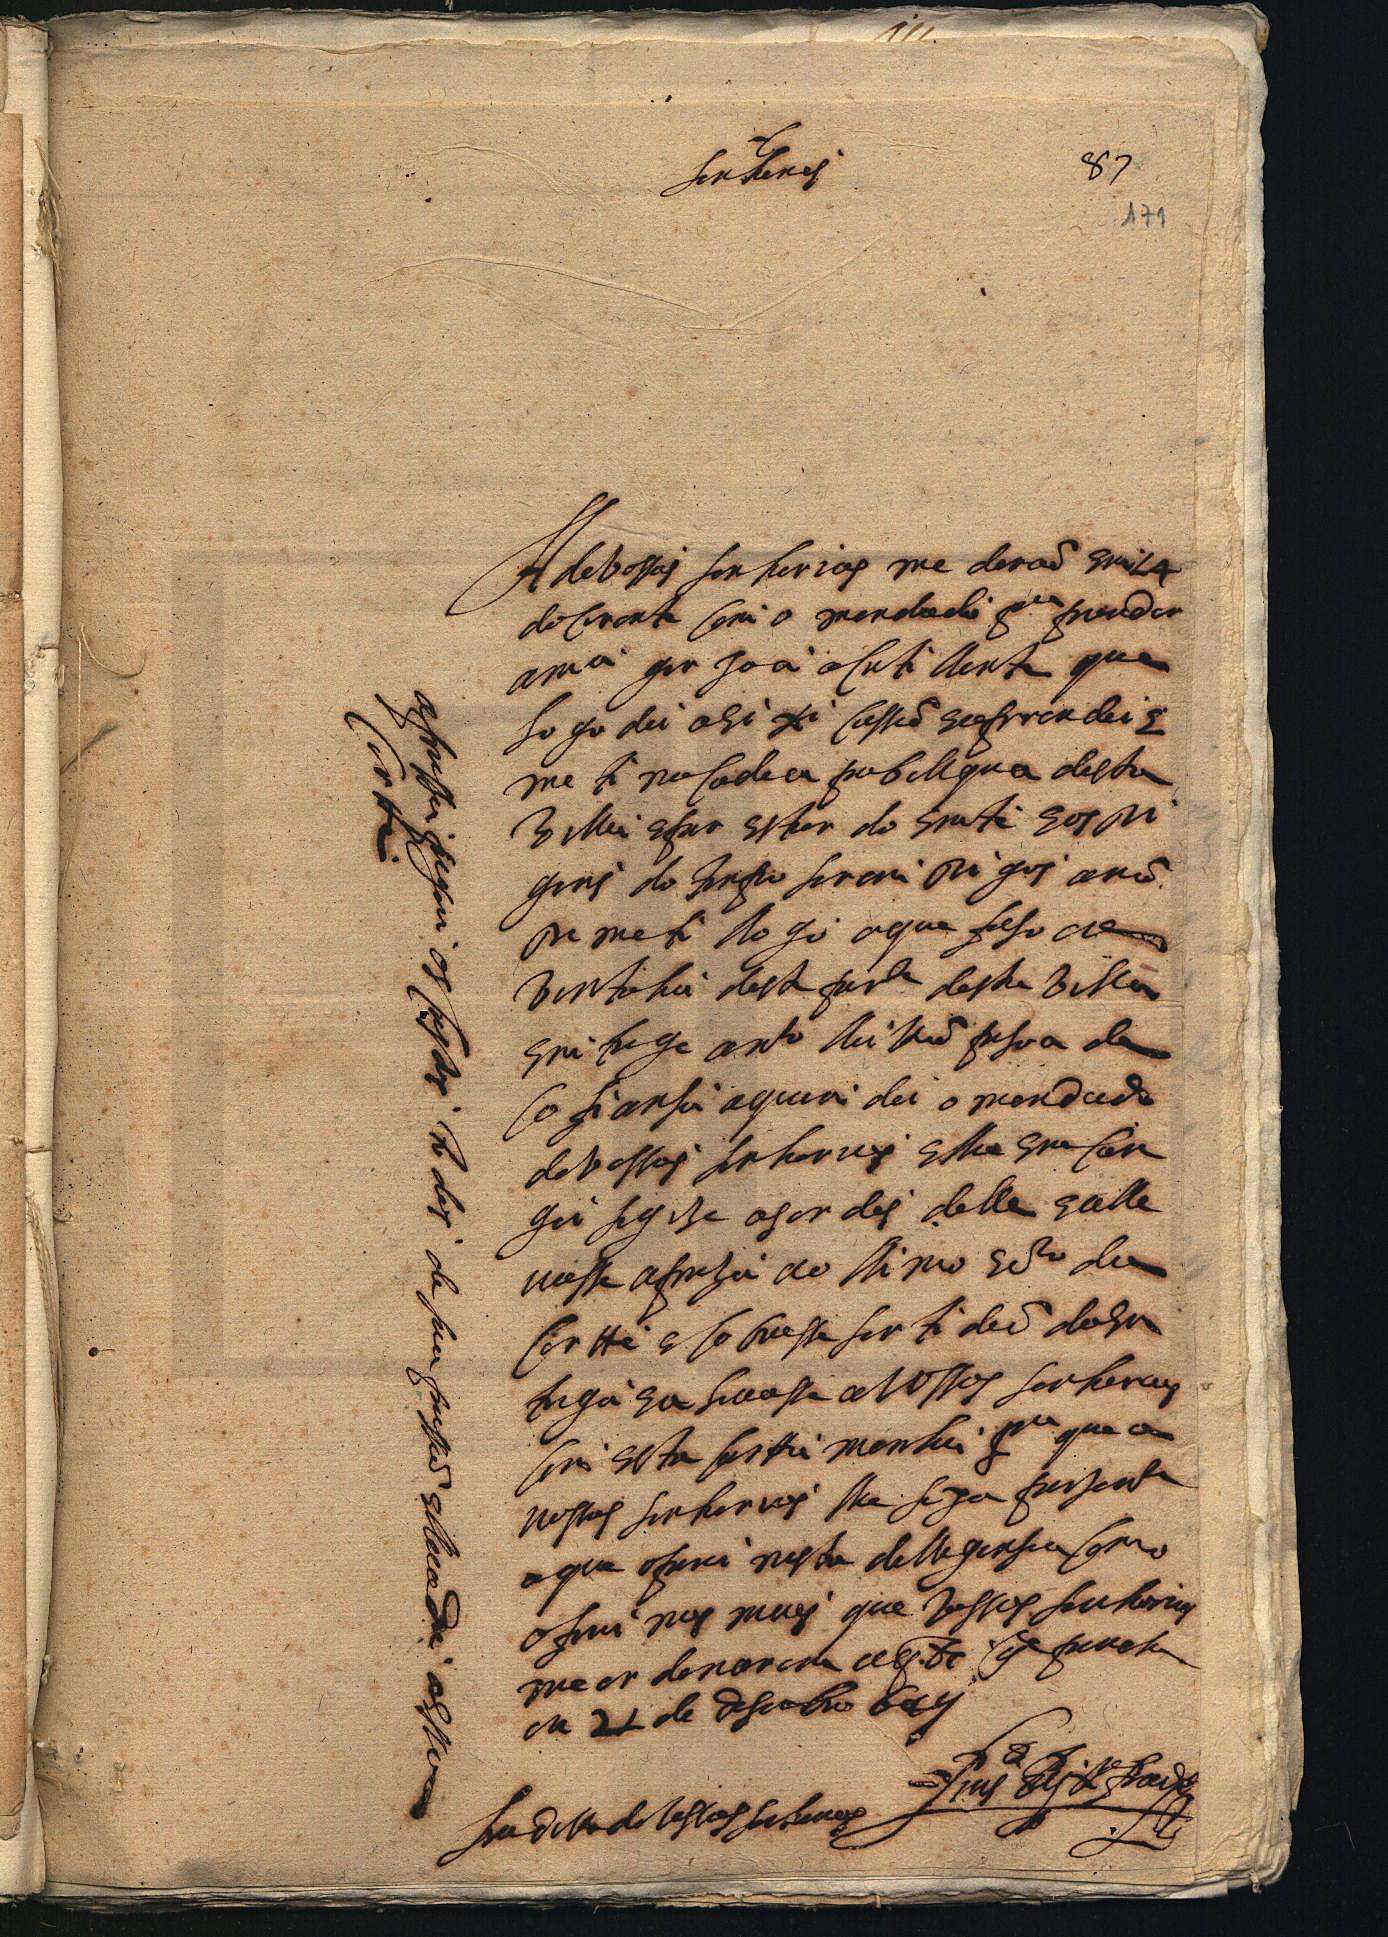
Senhores
A de Vossas Senhorias me deraõ Em 14
do Corente Com o mandado pa prender
a ma gorJoa a Cutillente que
Logo dei a EixiCussaõ E a prendei E
meti na Cadea pubellqua desta
Villa E por Estar doEmte E os Ri
gors do tenpo serem Rigos a naõ
Remeti llogo o que faso oie
vinte hū deste parte desta Villa
Emtrege anto lleittaõ pesoa de
Cofiansa a quen dei o mandado
de vossas Senhorias E lhe EmCar
gei segize as ordes delle E a lle
uasse a prizā do llimoEiro da
Cortte E Cobrasse sertidaõ da En
trega E a Leuasse a Vossas Senhorias
Com Esta Cartta minha pa que a
uossas Senhorias lhe seya perzente
o que o fara nesta dellegensia Como
o farei nas maes que Vossa Senhorias
me ordenarem a q̄ ds̄ gde peniche
oie 21 de desenbro 647
Luis Tejxa fraco
suditto de Vossas Senhorias
a pressa pagou os Custos todos de sua prissão E lleuada a Essa
Cortte
